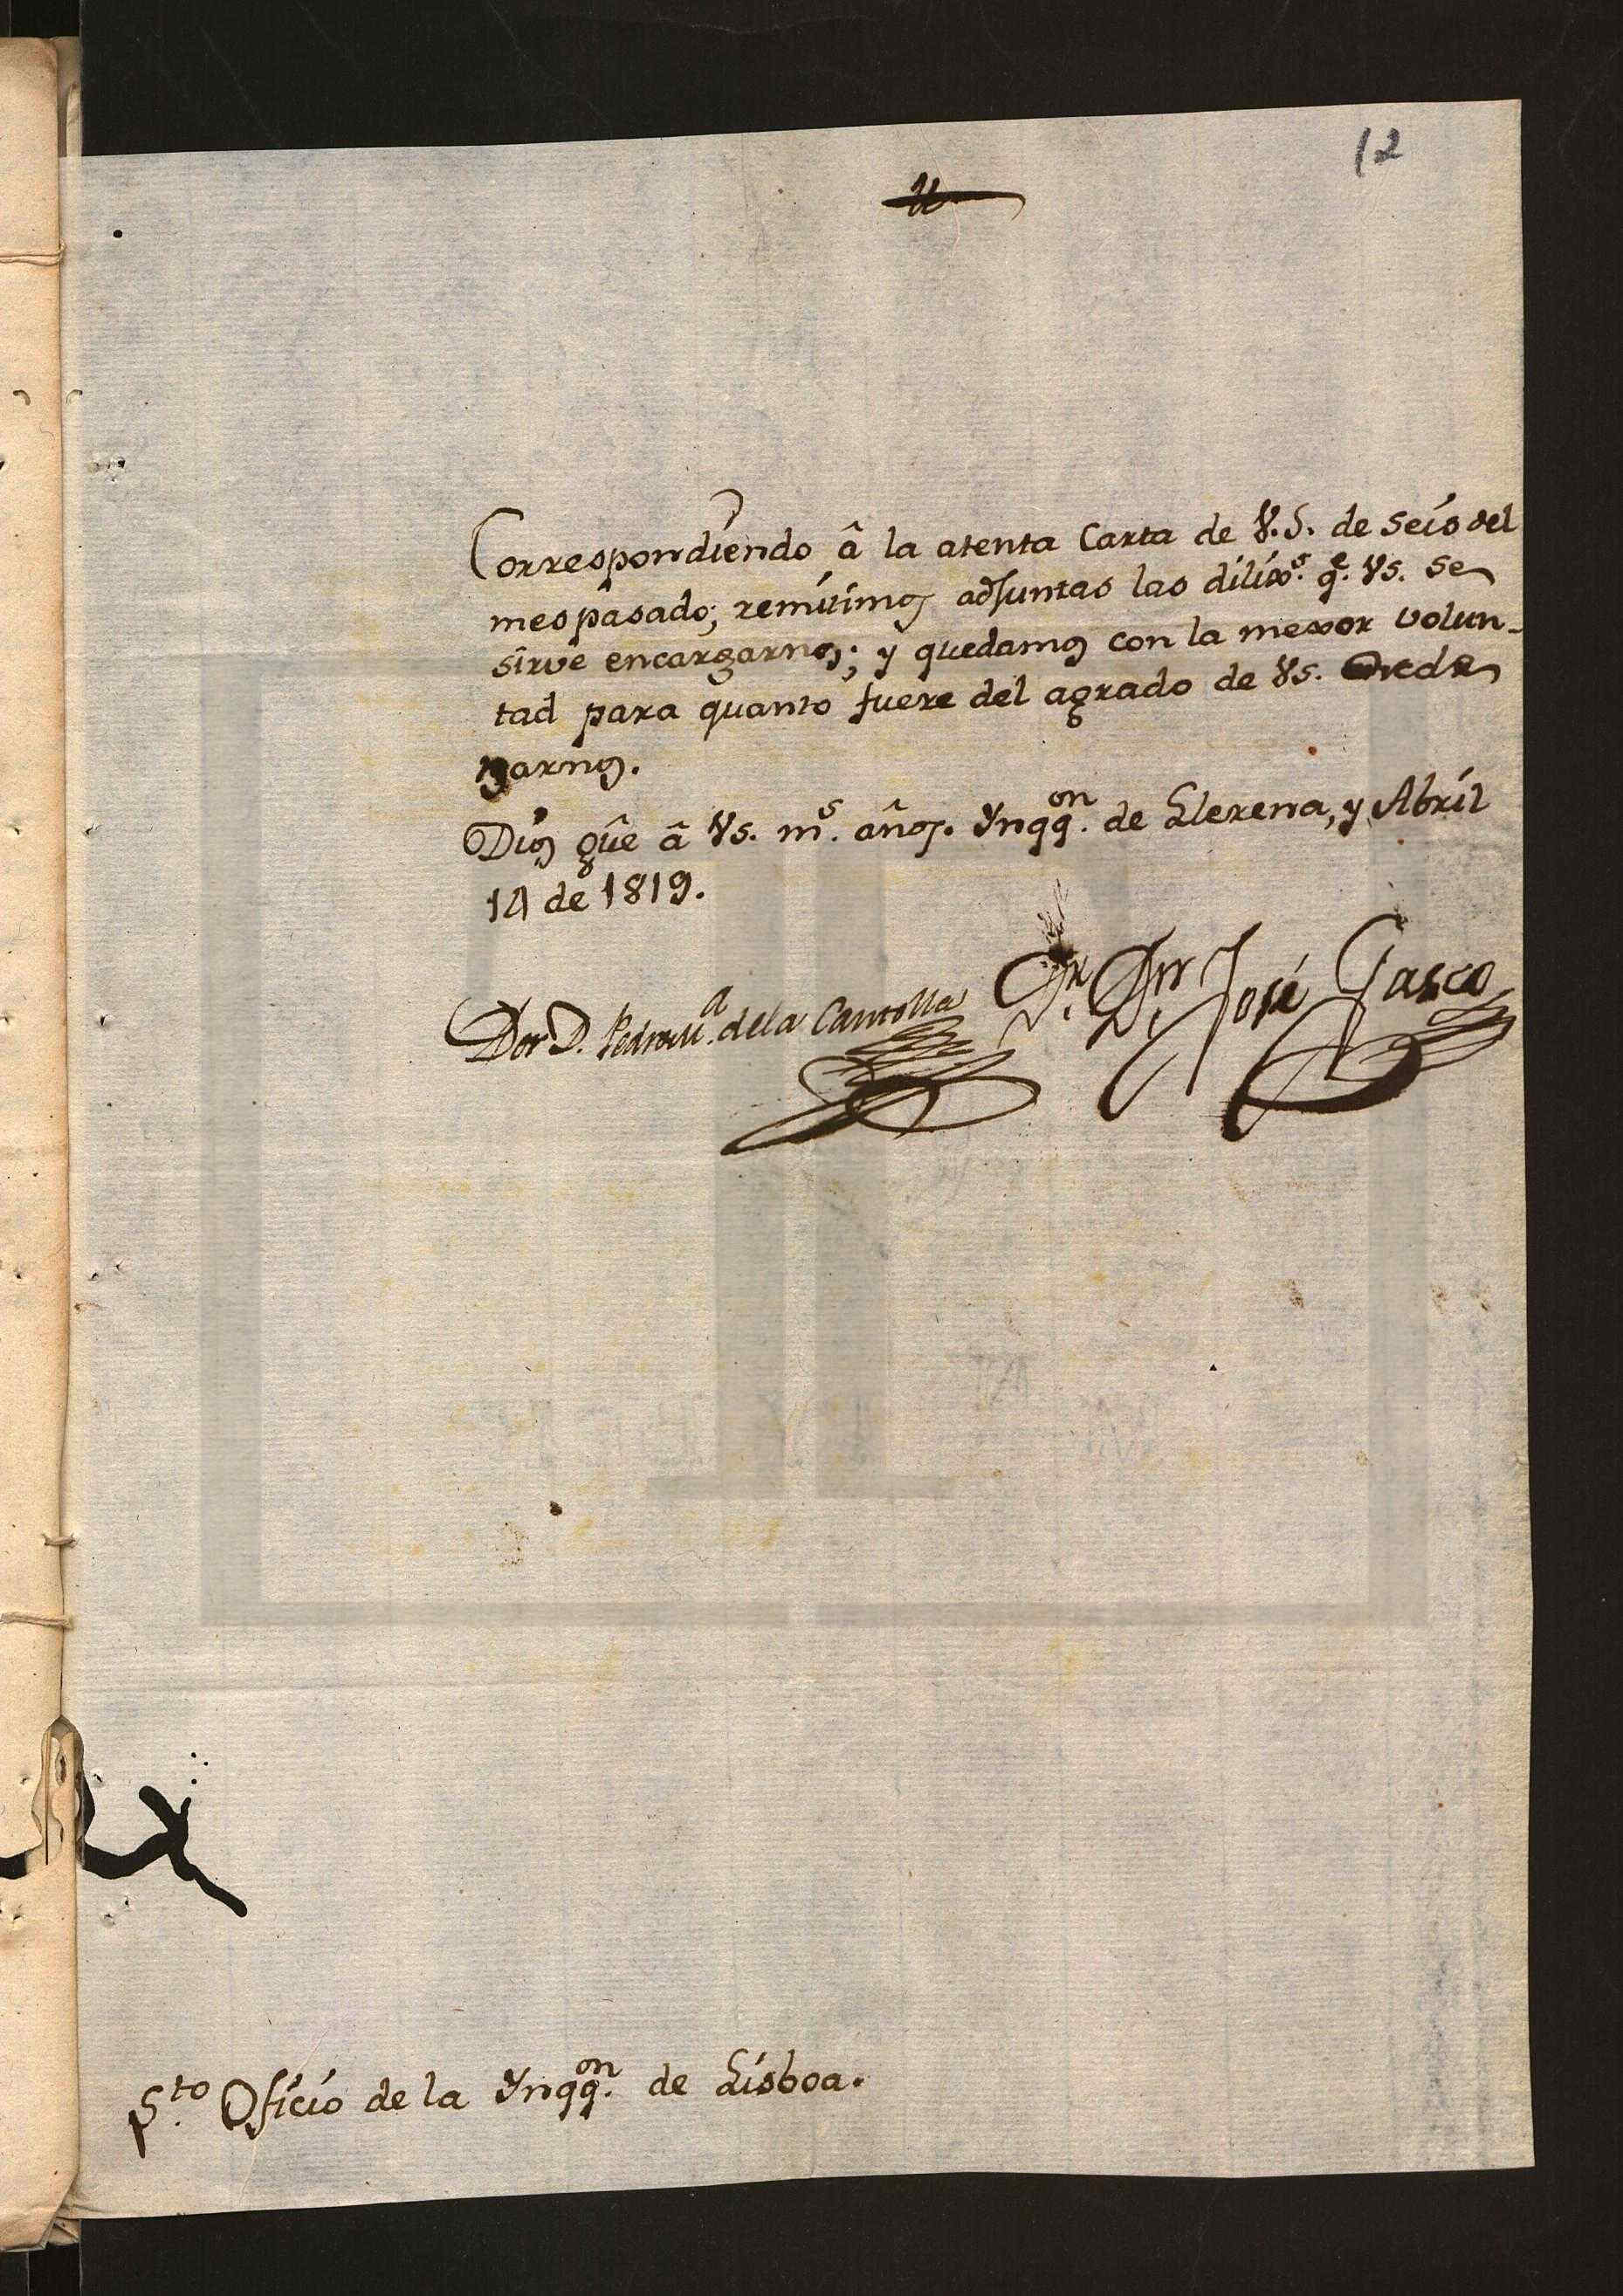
Correspondíendo â la atenta carta de V. S. de seís del
mes pasado; remitímos adjuntas las dilíx.s q.e Vs. se
sirve encargarnos; y quedamos con la mexor volun
tad para quanto fuere del agrado de Vs. Orde
narnos.
Diós gûe â Vs. m.s años. Inqq.on de Llerena, y Abríl
14 de 1819.
D.n D.or José Gasco
Dor D. Pedro m.a dela Cantolla
S.to Ofício de la Inqq.on de Lisboa.
